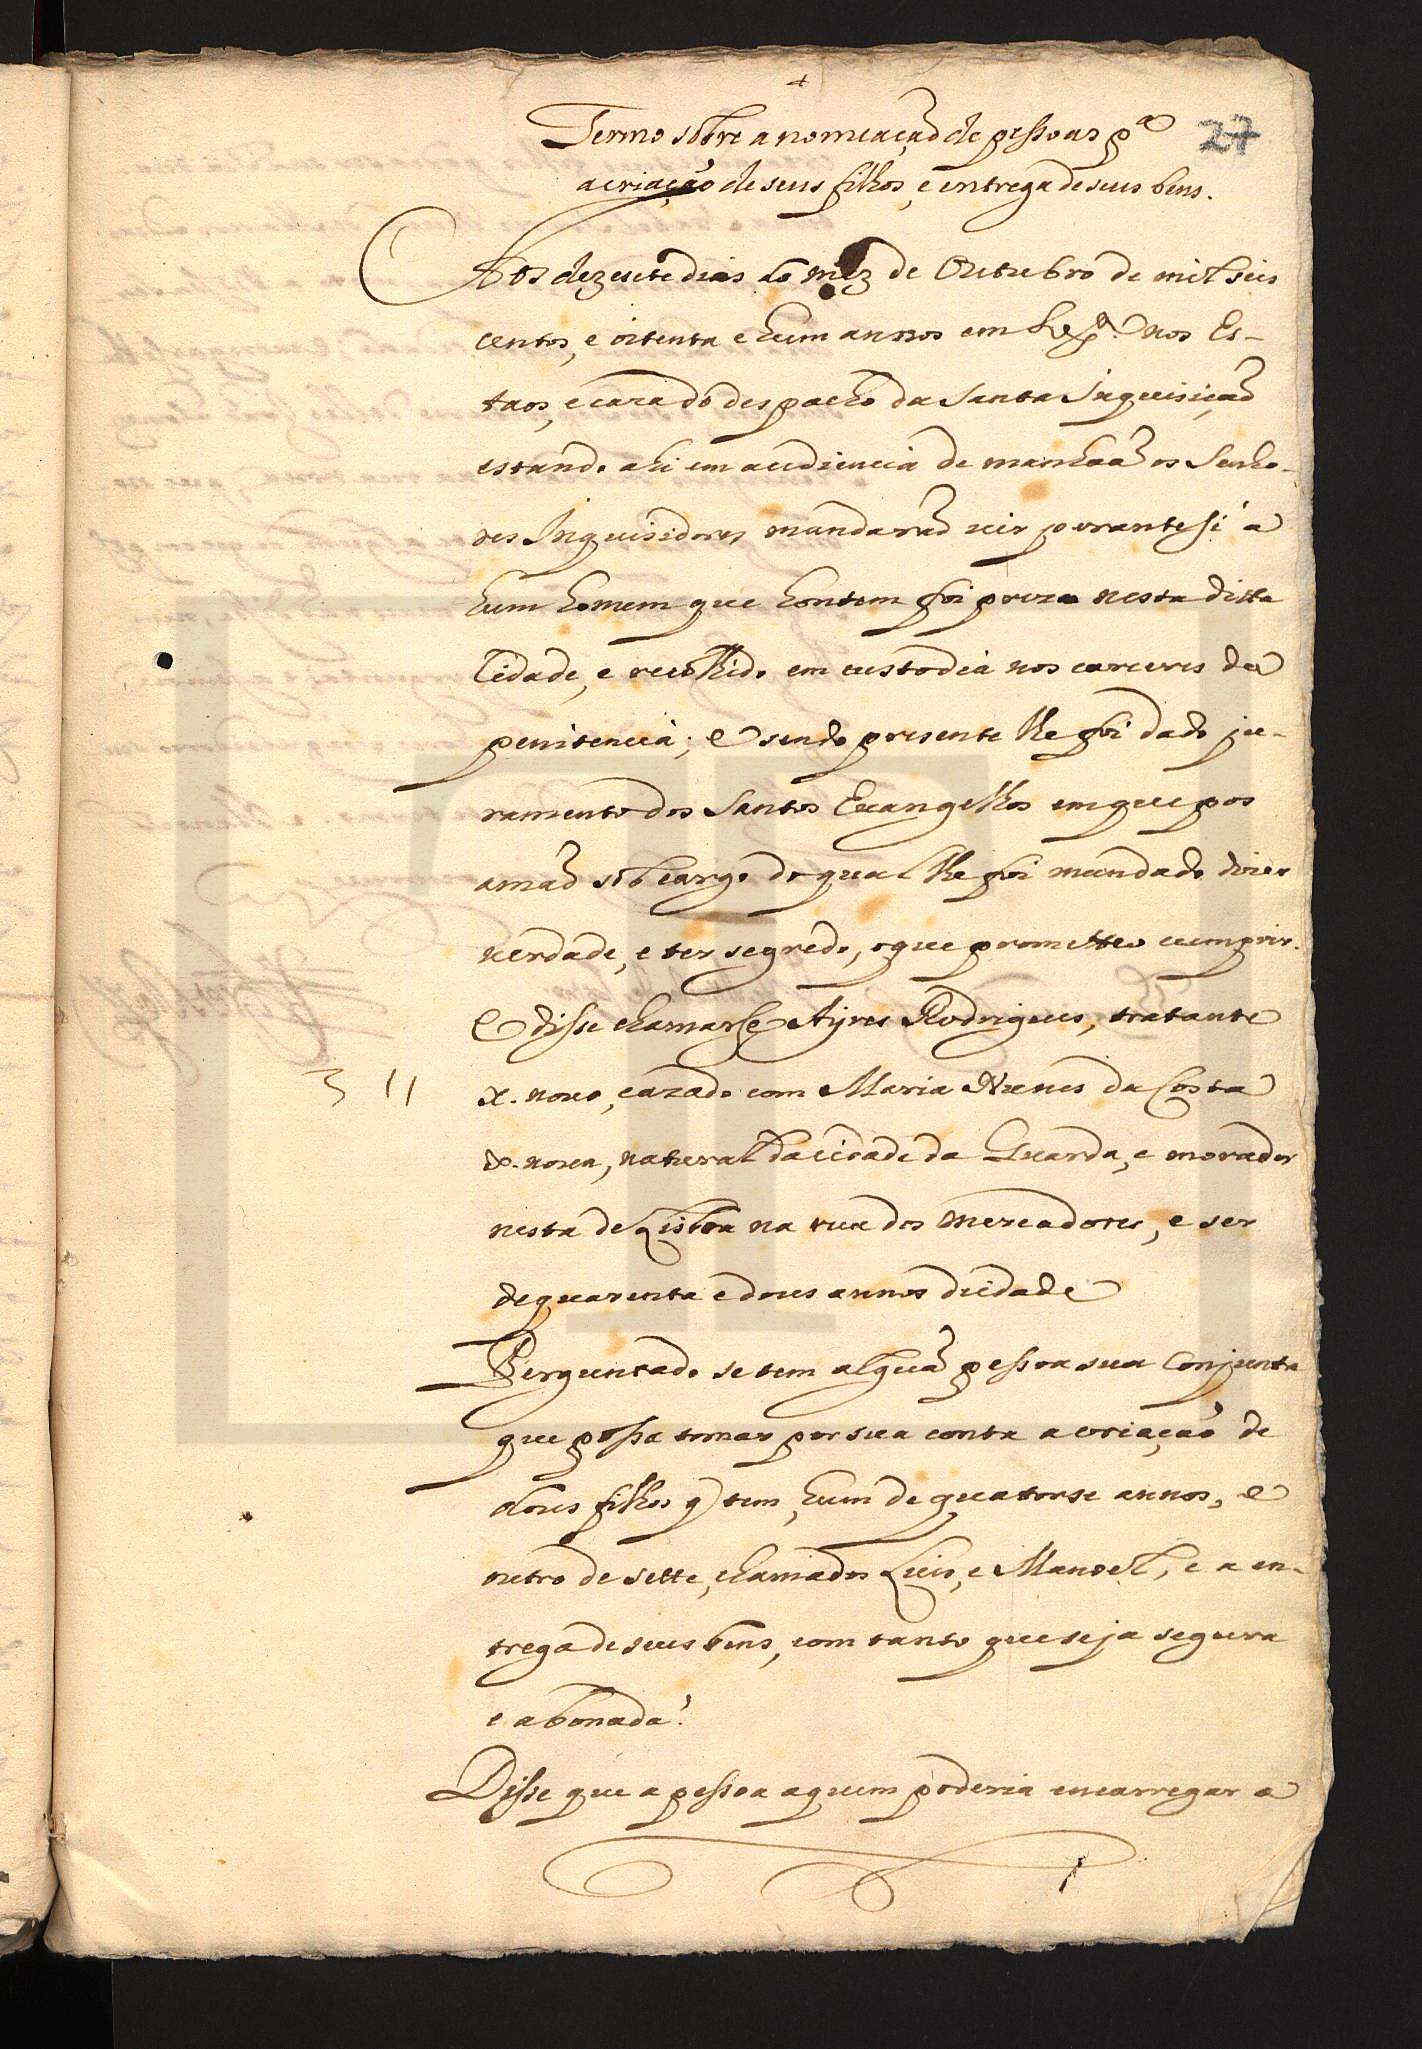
Termo sobre a nomeaçaõ de pessoas pa
a criaçaõ de seus filhos, e entrega de seus bens
Aos dezesete dias do mez de Outubro de mil seis
centos, e oitenta e hum annos em Lxa. nos Es
taos, e caza do despacho da Santa Inquisiçaõ
estando ahi em audiencia de manhaã os Senho
res Inquisidores mandaraõ uir perante si a
hum homem que hontem foi prezo nesta ditta
Cidade, e recolhido em custodia nos carceres da
penitencia; e sendo presente lhe foi dado ju
ramento dos Santos Euangelhos em que pos
a maõ sob cargo do qual lhe foi mandado dizer
uerdade, e ter segredo, o que prometteo cumprir.
E disse chamarse Ayres Rodrigues, tratante
x. nouo, cazado com Maria Nunes da Costa
x. noua, natural da cidade da Guarda, e morador
nesta de Lisboa na rua dos mercadores, e ser
de quarenta e dous annos de idade
Perguntado se tem alguā pessoa sua conjunta
que possa tomar por sua conta a criaçaõ de
dous filhos q̄ tem, hum de quatorse annos, e
outro de sette, chamados Luis, e Manoel, e a en
trega de seus bens, com tanto que seja segura
e abonada?
Disse que a pessoa a quem poderia encarregar a
